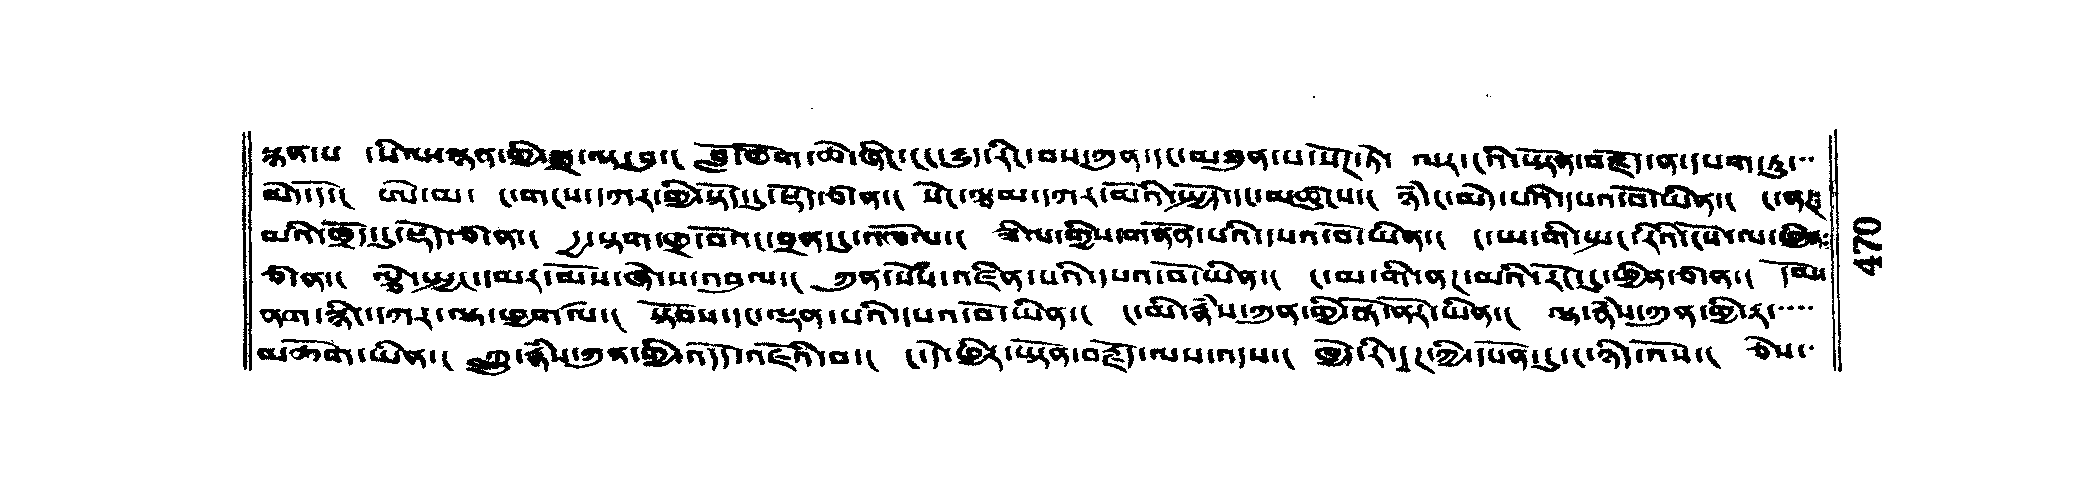སྙན་པ་སིལ་སྙན་གྱི་སྒྲ་ལྟ་བུ། བློ་ཁོག་ཆེ་ཞིང་ངང་རྒྱུད་རིང་བས་ཀུན་དང་མཐུན་པ་སོགས་ཏེ། ལར་ངའི་ཡོན་ཏན་བརྗོད་ན་དཔག་ཏུ་
མེད་དེ། ཨེ་མ། ང་གངས་དཀར་གྱི་སྟོད་དུ་སྡོད་ཙ་ན། །སེང་ལྕམ་དཀར་མོའི་སྤྱོད་དང་མཚུངས། །ཉམ་ང་མེད་པའི་དཔའ་བོ་ཡིན། །ང་ནགས་
མའི་ཁྲོད་དུ་སྡོད་ཙ་ན། །རྒྱ་སྟག་ཁྲ་བོའང་བྲན་དུ་འཁོལ། །ཟིལ་གྱིས་གནོན་པའི་དཔའ་བོ་ཡིན། །ང་ཡ་གི་སྤང་རིའི་ངོས་ལ་ཕྱིན་
ཙ་ན། །ལྕེ་སྤྱང་དམར་མོས་ཞེ་ས་འབུལ། །ཀུན་སེམས་འཛིན་པའི་དཔའ་བོ་ཡིན། །ང་མ་གི་ནགས་མའི་རོང་དུ་ཕྱིན་ཙ་ན། །དོམ་
ནག་སྙིང་དཀར་ལྷ་ཕྱག་འཚལ། །སྟོབས་དང་ལྡན་པའི་དཔའ་བོ་ཡིན། །ང་མི་རྣམས་ཀུན་གྱི་སྒོ་ནོར་ཡིན། །ལྷ་རྣམས་ཀུན་གྱི་རྟ་
མཆོག་ཡིན། །ཀླུ་རྣམས་ཀུན་གྱི་འདོད་འཇོའི་བ། །ང་དེ་ཕྱིར་ཡོན་ཏན་བརྗོད་ལས་འདས། །ཁྱོད་རི་དྭགས་ཀྱི་དཔོན་དུ་ང་ཉིད་འོས། །ཅེས་